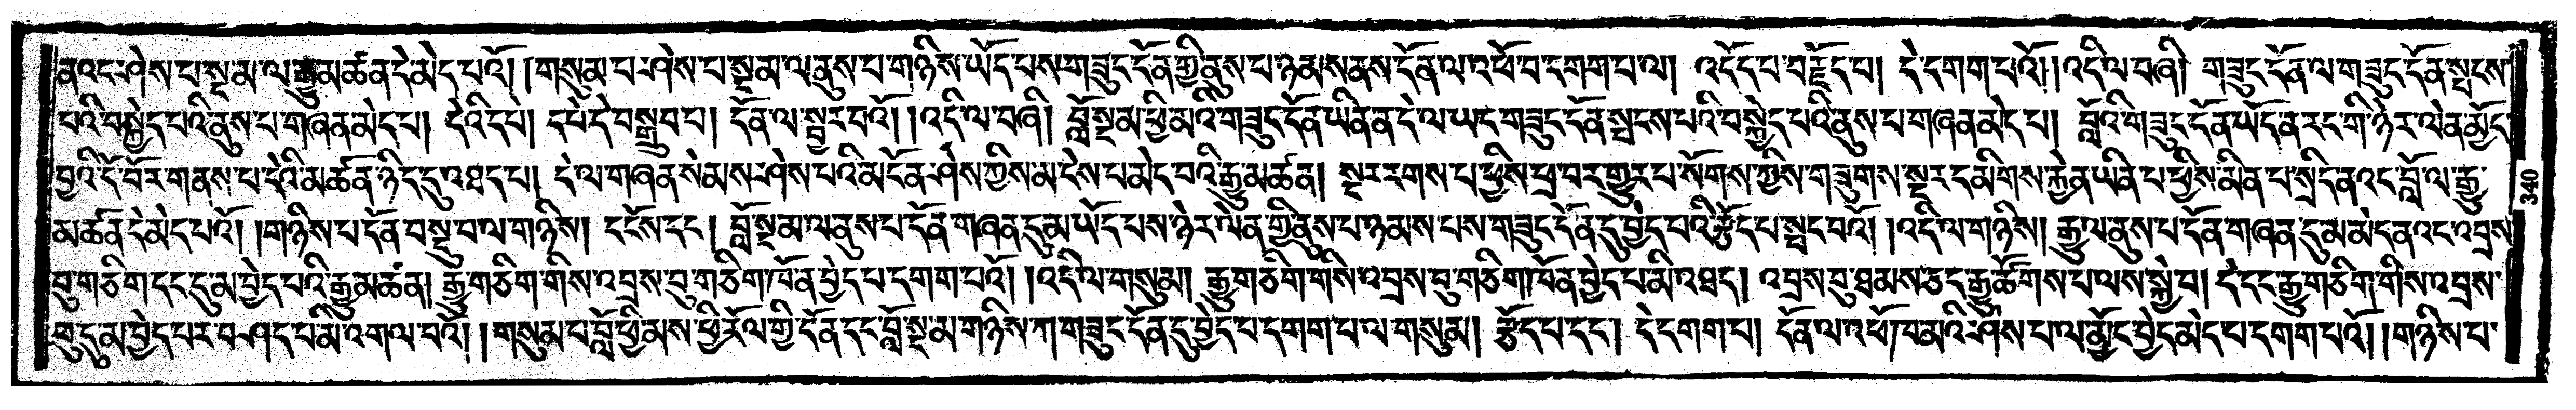ནའང་ཤེས་པ་སྔ་མ་ལ་རྒྱུ་མཚན་དེ་མེད་པའོ། །གསུམ་པ་ཤེས་པ་སྔ་མ་ལ་ནུས་པ་གཉིས་ཡོད་པས་གཟུང་དོན་གྱི་ནུས་པ་ཉམས་ནས་དོན་ལ་འཕོ་བ་དགག་པ་ལ། འདོད་པ་བརྗོད་པ། དེ་དགག་པའོ། །འདི་ལ་བཞི། གཟུང་དོན་ལ་གཟུང་དོན་སྤངས་
པའི་བསྐྱེད་པའི་ནུས་པ་གཞན་མེད་པ། དེའི་དཔེ། དཔེ་དེ་བསྒྲུབ་པ། དོན་ལ་སྦྱར་བའོ། །འདི་ལ་བཞི། བློ་སྔ་མ་ཕྱི་མའི་གཟུང་དོན་ཡིན་ན་དེ་ལ་ཡང་གཟུང་དོན་སྤངས་པའི་བསྐྱེད་པའི་ནུས་པ་གཞན་མེད་པ། བློའི་གཟུང་དོན་ཡོད་ན་རང་གི་ཉེར་ལེན་མྱོང་
བྱའི་ངོ་བོར་གནས་པ་དེའི་མཚན་ཉིད་དུ་འཐད་པ། དེ་ལ་གཞན་སེམས་ཤེས་པའི་མངོན་ཤེས་ཀྱིས་མ་ངེས་པ་མེད་པའི་རྒྱུ་མཚན། སྔར་རགས་པ་ཕྱིས་ཕྲ་བར་གྱུར་པ་སོགས་ཀྱིས་གཟུགས་སྔར་དམིགས་རྐྱེན་ཡིན་པ་ཕྱིས་མིན་པ་སྲིད་ནའང་བློ་ལ་རྒྱུ་
མཚན་དེ་མེད་པའོ། །གཉིས་པ་དོན་བསྡུ་བ་ལ་གཉིས། དངོས་དང་། བློ་སྔ་མ་ལ་ནུས་པ་དོན་གཞན་དུ་མ་ཡོད་པས་ཉེར་ལེན་གྱི་ནུས་པ་ཉམས་པས་གཟུང་དོན་དུ་བྱེད་པའི་རྩོད་པ་སྤང་བའོ། །འདི་ལ་གཉིས། རྒྱུ་ལ་ནུས་པ་དོན་གཞན་དུ་མ་མེད་ནའང་འབྲས་
བུ་གཅིག་དང་དུ་མ་བྱེད་པའི་རྒྱུ་མཚན། རྒྱུ་གཅིག་གིས་འབྲས་བུ་གཅིག་ཁོ་ན་བྱེད་པ་དགག་པའོ། །འདི་ལ་གསུམ། རྒྱུ་གཅིག་གིས་འབྲས་བུ་གཅིག་ཁོ་ན་བྱེད་པ་མི་འཐད། འབྲས་བུ་ཐམས་ཅད་རྒྱུ་ཚོགས་པ་ལས་སྐྱེ་བ། དེ་དང་རྒྱུ་གཅིག་གིས་འབྲས་
བུ་དུ་མ་བྱེད་པར་བཤད་པ་མི་འགལ་བའོ། །གསུམ་པ་བློ་ཕྱི་མས་ཕྱི་རོལ་གྱི་དོན་དང་བློ་སྔ་མ་གཉིས་ཀ་གཟུང་དོན་དུ་བྱེད་པ་དགག་པ་ལ་གསུམ། རྩོད་པ་དང་། དེ་དགག་པ། དོན་ལ་འཕོ་ཁ་མའི་ཤེས་པ་ལ་མྱོང་བྱེད་མེད་པ་དགག་པའོ། །གཉིས་པ་